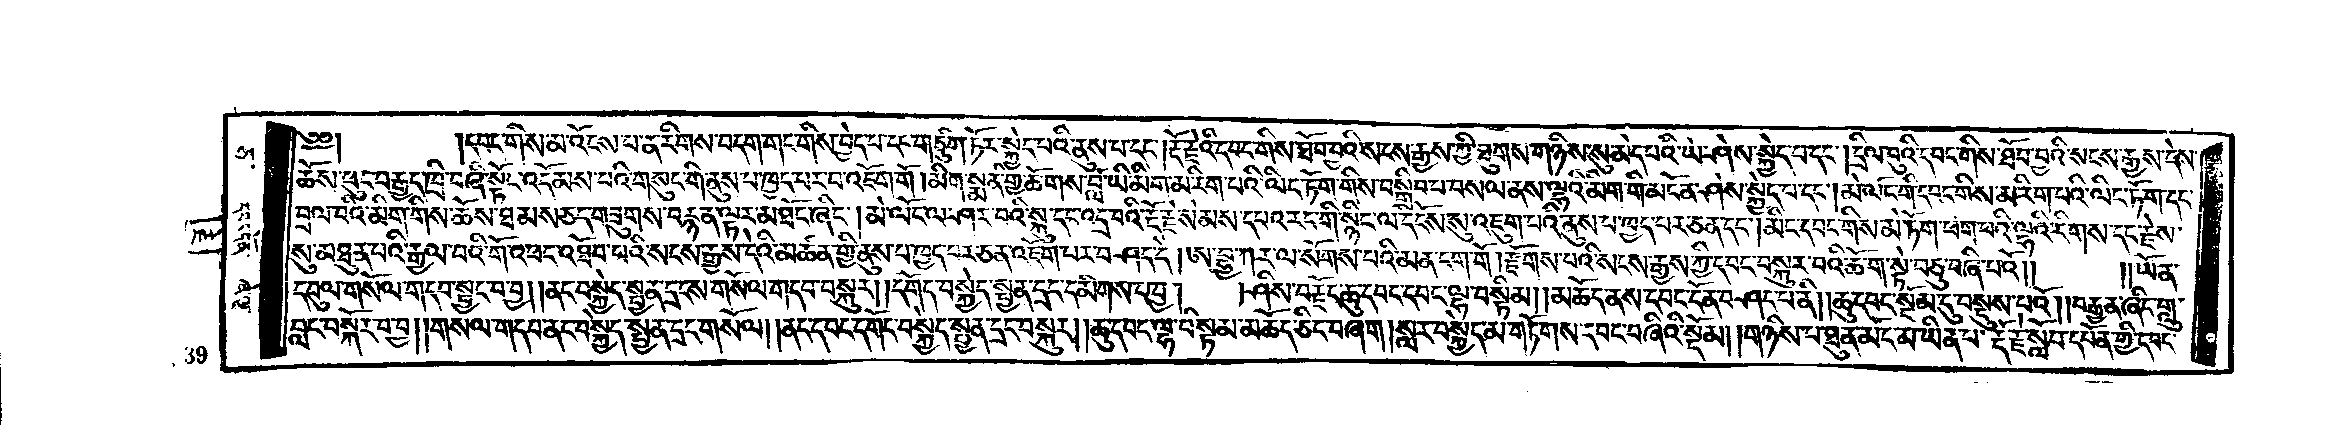༄༅། །དབང་གིས་མ་འོངས་པ་ན་རིགས་བདག་གང་གིས་བྱེད་པ་དང་གཙུག་ཏོར་སྐྱེད་པའི་ནུས་པ་དང་། རྡོ་རྗེའི་དབང་གིས་ཐོབ་བྱའི་སངས་རྒྱས་ཀྱི་ཐུགས་གཉིས་སུ་མེད་པའི་ཡེ་ཤེས་སྐྱེད་པ་དང་། དྲིལ་བུའི་དབང་གིས་ཐོབ་བྱའི་སངས་རྒྱས་དེས་
ཆོས་ཕུང་བརྒྱད་ཁྲི་བཞི་སྟོང་འདོམས་པའི་གསུང་གི་ནུས་པ་ཁྱད་པར་བ་འཇོག་གོ །མིག་སྨན་གྱི་ཆོ་གས་བློ་ཡི་མིག་མ་རིག་པའི་ལིང་ཏོག་གིས་བསྒྲིབ་པ་བསལ་ནས་ལྷའི་མིག་གི་མངོན་ཤེས་སྐྱེད་པ་དང་། མེ་ལོང་གི་དབང་གིས་མ་རིག་པའི་ལིང་ཏོག་དང་
བྲལ་བའི་མིག་གིས་ཆོས་ཐམས་ཅད་གཟུགས་བརྙན་ལྟར་མཐོང་ཞིང་། མེ་ལོང་ལ་ཤར་བའི་སྐུ་དང་འདྲ་བའི་རྡོ་རྗེ་སེམས་དཔའ་རང་གི་སྙིང་ལ་དངོས་སུ་འཇུག་པའི་ནུས་པ་ཁྱད་པར་ཅན་དང་། མིང་དབང་གིས་མེ་ཏོག་ཕོག་པའི་ལྷའི་རིགས་དང་རྗེས་
སུ་མཐུན་པའི་རྒྱལ་བའི་གོ་འཕང་འཐོབ་པའི་སངས་རྒྱས་དེའི་མཚན་གྱི་ནུས་པ་ཁྱད་པར་ཅན་འཇོག་པར་བཤད་དེ། ཨ་བྷྱ་ཀ་ར་ལ་སོགས་པའི་མན་ངག་གོ །རྫོགས་པའི་སངས་རྒྱས་ཀྱི་དབང་བསྐུར་བའི་ཆོ་ག་སྟེ་བཅུ་བཞི་པའོ།། །།ཡོན་
དབུལ་གསོལ་གདབ་སྦྱང་བ་བྱ། །ནང་བསྐྱེད་སྤྱན་དྲངས་གསོལ་གདབ་བསྐུར། །དགོད་བསྐྱེད་སྤྱན་དྲང་དམིགས་པ་བྱ། །ཤིས་བརྗོད་ཆུ་དབང་ལྷ་བསྟིམ། །མཆོད་ནས་དབང་དོན་བཤད་པ་ནི། །ཆུ་དབང་སྡོམ་དུ་བསྡུས་པའོ། །བརྒྱན་ཞིང་གླུ་
བླང་བསྐོར་བ་བྱ། །གསལ་གདབ་ནང་བསྐྱེད་སྤྱན་དྲང་གསོལ། །ནང་དབང་དགོང་བསྐྱེད་སྤྱན་དྲང་བསྐུར། །ཆུ་དབང་ལྷ་བསྟིམ་མཆོད་ཅིང་བཞག། སླར་བསྐྱེད་མ་གཏོགས་དབང་བཞིའི་སྡོམ། །གཉིས་པ་ཐུན་མོང་མ་ཡིན་པ་རྡོ་རྗེ་སློབ་དཔོན་གྱི་དབང་